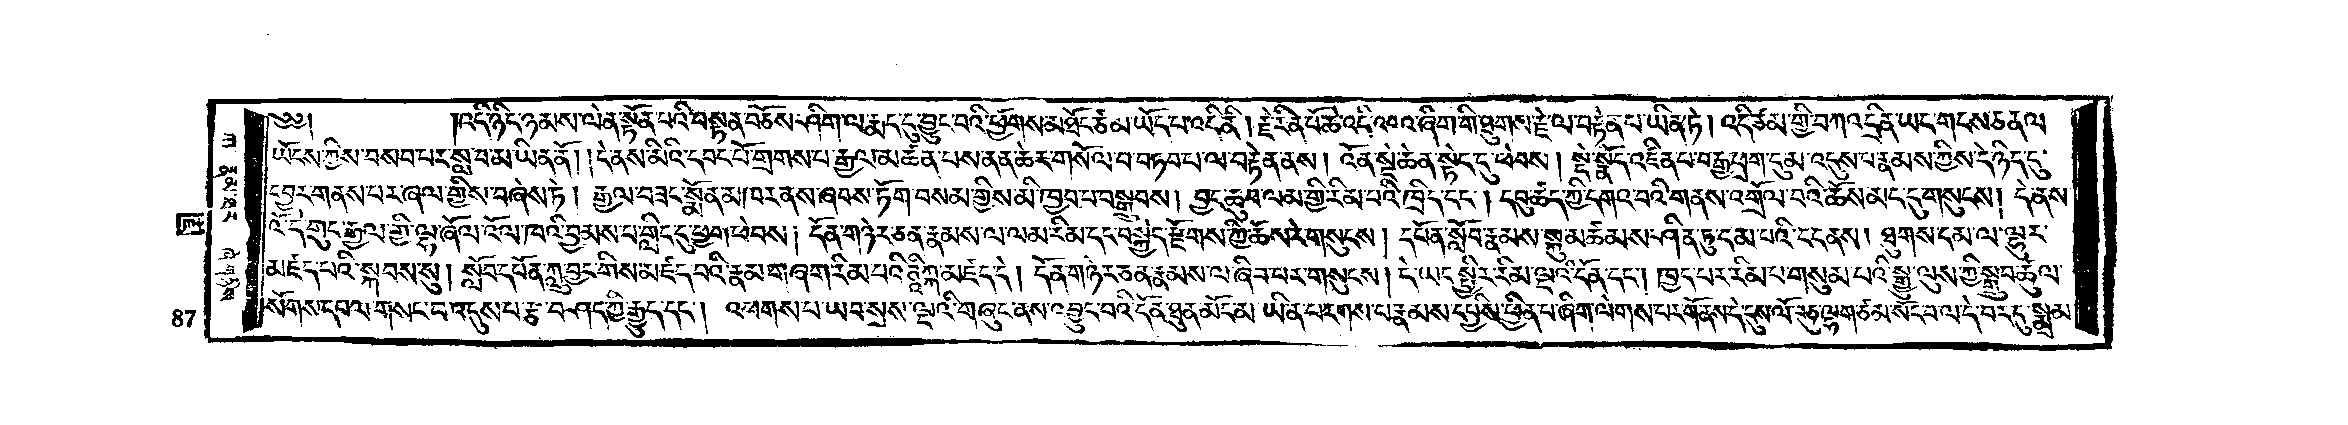༄༅། །འདི་ཉིད་ཉམས་ལེན་སྟོན་པའི་བསྟན་བཅོས་ཤིག་ལ་རྨད་དུ་བྱུང་བའི་ཕྱོགས་མཐོང་ཙམ་ཡོད་པ་འདི་ནི། རྗེ་རིན་པོ་ཆེ་འདི་འབའ་ཞིག་གི་ཐུགས་རྗེ་ལ་བརྟེན་པ་ཡིན་ཏེ། འདི་ཙམ་གྱི་བཀའ་དྲིན་ཡང་གངས་ཅན་ལ་
ཡོངས་ཀྱིས་བསབ་པར་སླ་བ་མ་ཡིན་ནོ། །དེ་ནས་མིའི་དབང་པོ་གྲགས་པ་རྒྱལ་མཚན་པས་ནན་ཆེར་གསོལ་བ་བཏབ་པ་ལ་བརྟེན་ནས། འོན་སྡེ་ཆེན་སྟེང་དུ་ཕེབས། སྡེ་སྣོད་འཛིན་པ་བརྒྱ་ཕྲག་དུ་མ་འདུས་པ་རྣམས་ཀྱིས་དེ་ཉིད་དུ་
དབྱར་གནས་པར་ཞལ་གྱིས་བཞེས་ཏེ། རྒྱལ་བཟང་སྨོན་མཁར་ནས་ཞབས་ཏོག་བསམ་གྱིས་མི་ཁྱབ་པ་བསྒྲུབས། བྱང་ཆུབ་ལམ་གྱི་རིམ་པའི་ཁྲིད་དང་། དབུ་ཚད་ཀྱི་དགའ་བའི་གནས་འགྲོལ་བའི་ཆོས་མང་དུ་གསུངས། དེ་ནས་
འོ་དེ་གུང་རྒྱལ་གྱི་ལྷ་ཞོལ་འོལ་ཁའི་བྱམས་པ་གླིང་དུ་ཕྱག་ཕེབས། དོན་གཉེར་ཅན་རྣམས་ལ་ལམ་རིམ་དང་བསྐྱེད་རྫོགས་ཀྱི་ཆོས་རེ་གསུངས། དཔོན་སློབ་རྣམས་སྐུ་མཚམས་ཤིན་ཏུ་དམ་པའི་ངང་ནས། ཐུགས་དམ་ལ་ལྷུར་
མཛད་པའི་སྐབས་སུ། སློབ་དཔོན་ཀླུ་བྱང་གིས་མཛད་པའི་རྣམ་གཞག་རིམ་པའི་ཊཱིཀྐ་མཛད་དེ། དོན་གཉེར་ཅན་རྣམས་ལ་ཞིབ་པར་གསུངས། དེ་ཡང་སྤྱིར་རིམ་ལྔའི་དོན་དང་། ཁྱད་པར་རིམ་པ་གསུམ་པའི་སྒྱུ་ལུས་ཀྱི་སྒྲུབ་ཚུལ་
སོགས་དཔལ་གསང་བ་འདུས་པ་རྩ་བཤད་ཀྱི་རྒྱུད་དང་། འཕགས་པ་ཡབ་སྲས་ལྔའི་གཞུང་ནས་འབྱུང་བའི་དོན་ཐུན་མོང་མ་ཡིན་པ་རགས་པ་རྣམས་དཔྱིས་ཕྱིན་པ་ཞིག་ལེགས་པར་གོ་ནས་དེ་དུས་ལོ་བཅུ་ལྷག་ཙམ་སོང་བ་ལ་དེ་བར་དུ་སྨྲམ་